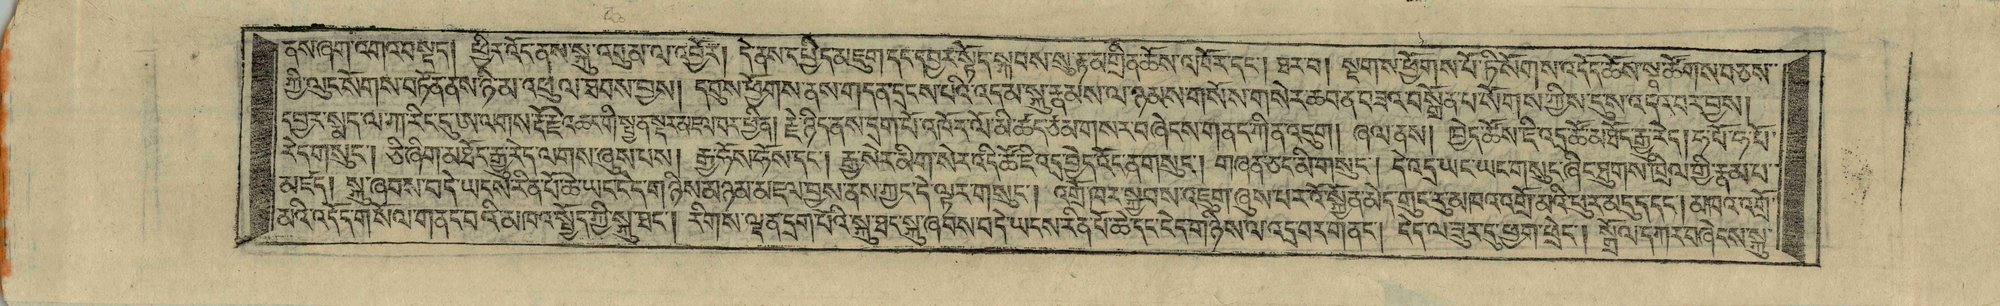ནས་ཞག་འགའ་བསྡད། ཕྱིར་འོང་ནས་སྐུ་འབུམ་ལ་འབྱོར། དེ་ནས་དཔྱིད་མཇུག་དང་དབྱར་སྟོད་སྐབས་སུ་རྟ་མགྲིན་ཆོས་འཁོར་དང་། ཐར་བ། སྔགས་ཕྱོགས་པོ་ཏི་སོགས་འདོད་ཆོས་སྣ་ཚོགས་བཅས་
ཀྱི་ལུང་སོགས་བཏོན་ནས་ཉི་མ་འཕུལ་ཐབས་བྱས། དབུས་ཕྱོགས་ནས་གདན་དྲངས་པའི་འདམ་སྐུ་རྣམས་ལ་ཉམས་གསོས་གསེར་ཆབ་ན་བཟའ་བསྒྲོན་པ་སོགས་ཀྱིས་དུས་འདའ་བར་བྱས།
དབྱར་སྨད་ལ་ཀ་རིང་དུ་ཨ་ལགས་རྡོ་རྗེ་འཆང་གི་སྤྱན་སྔར་མཇལ་བར་ཕྱིན། རྗེ་ཉིད་ནས་དྲག་པོ་འཁོར་ལོ་མི་ཚད་ཙམ་གསར་བཞེངས་གནང་ཀིན་འདུག །ཞལ་ནས། ཁྱེད་ཚོས་ཇི་འདྲ་ཚོ་མཐོང་རྒྱུ་རེད། ཧ་པོ་ཧ་པོ་
རེད་གསུང་། ཅི་ཞིག་མཐོང་རྒྱུ་རེད་ལགས་ཞུས་པས། རྒྱ་ཧོས་ཧོས་དང་། རྒྱ་སེར་མིག་སེར་འདི་ཚོ་ཇི་འདྲ་བྱེད་འོང་ན་གསུང་། གཞན་ཅང་མི་གསུང་། དེ་འདྲ་ཡང་ཡང་གསུང་ཞིང་ཐུགས་ཁྲིལ་གྱི་རྣམ་པ་
མཛད། སྐུ་ཞབས་བདེ་ཡངས་རིན་པོ་ཆེ་ཡང་ངེད་གཉིས་མཉམ་མཇལ་བྱས་ནས་ཀྱང་དེ་ལྟར་གསུང་། འགྲོ་ཁར་སྐྱབས་འཇུག་ཞུས་པར་འོ་སྐྱོན་མེད་གུང་རུ་མཁའ་འགྲོ་མའི་ཕུར་མདུད་དང་། མཁའ་འགྲོ་
མའི་འདོད་གསོལ་གནང་བའི་མཁའ་སྤྱོད་ཀྱི་སྐུ་ཐང་། རིགས་ལྡན་དྲག་པོའི་སྐུ་ཐང་སྐུ་ཞབས་བདེ་ཡངས་རིན་པོ་ཆེ་དང་ངེད་གཉིས་ལ་འདྲ་བར་གནང་། ངེད་ལ་ཟུར་དུ་ཕྱག་ཕྲེང་། སྒྲོལ་དཀར་བཞེངས་སྐུ་